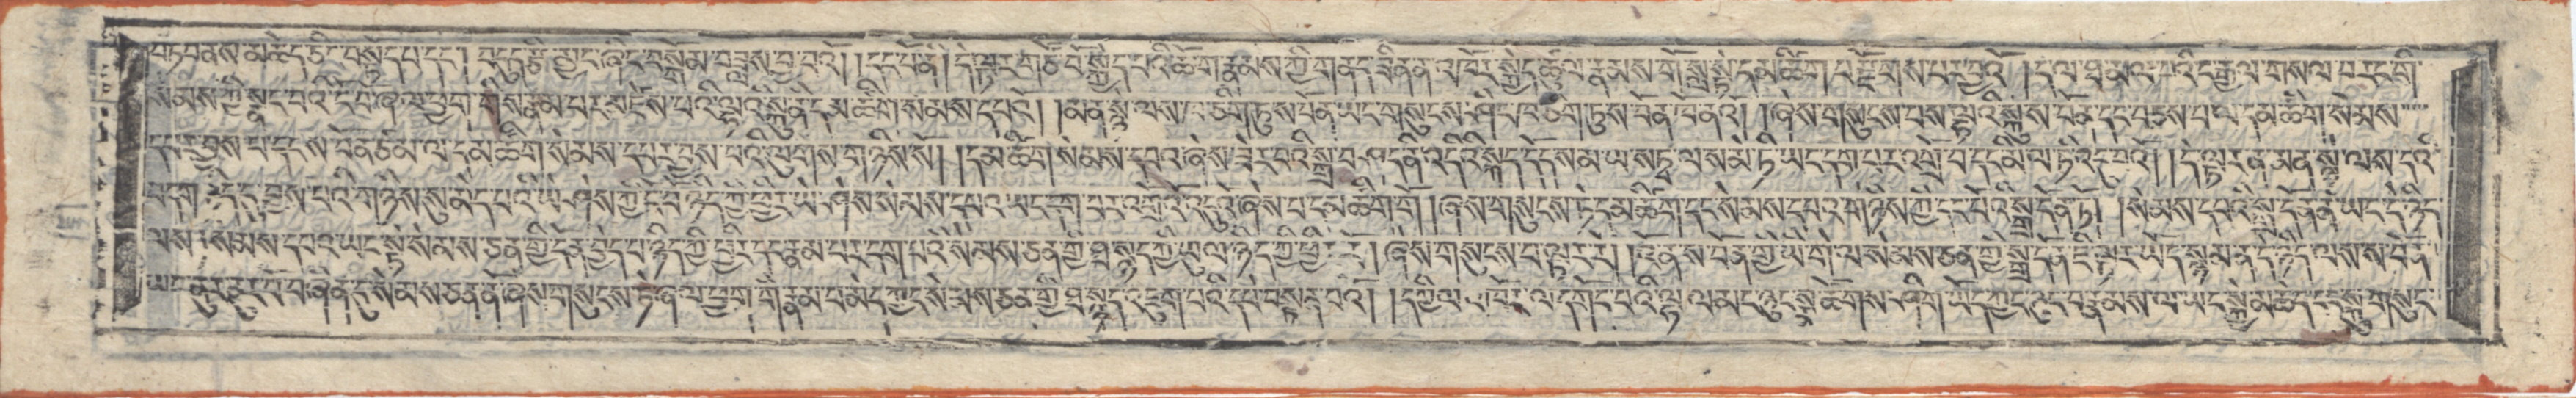བཏབ་ནས་མཆོད་ཅིང་བསྟོད་པ་དང་། བདུད་རྩི་མྱང་ཞིང་བསྒོམ་བཟླས་བྱ་བའོ། །དང་པོ་ནི། དེ་ལྟར་གཙོ་བོ་སྐྱེད་པའི་ཆོ་ག་རྣམས་ཀྱི་གནད་ཟིན་ན་འཁོར་སྐྱེད་ཚུལ་རྣམས་གོ་སླ་སྟེ་དམ་ཚིག་པ་རྫོགས་པར་བྱའོ་།དེ་ལ་ཐ་མལ་པའི་ང་རྒྱལ་གསལ་བ་རང་གི་
སེམས་ཀྱི་སྣང་བའི་ངོ་བོ་ཞལ་ཕྱག་གིས་རྣམ་པར་མཛེས་པའི་ལྷའི་སྐུ་ནི་དམ་ཚིག་སེམས་དཔའོ། །མན་སྙེ་ལས་ཁ་ཅིག་ཏུ་ས་བོན་ཡང་གསུངས་ཤིང་ཁ་ཅིག་ཏུ་ས་བོན་ཁོ་ནའོ། །ཞེས་གསུངས་པས་ལྷའི་སྐུ་ས་བོན་དང་བཅས་པ་ལ་དམ་ཚིག་སེམས་
དཔར་བྱས་པ་དང་ས་བོན་ཙམ་ལ་དམ་ཚིག་སེམས་དཔར་བྱས་པའི་ལུགས་གཉིས་སོ། །དམ་ཚིག་སེམས་དཔའ་ཞེས་ཟེར་བའི་སྒྲ་བཤད་ནི་འདིའི་སྐད་དོད་ས་མ་ཡ་སྟྭ་ལ་ས་མེ་ཏི་ཡང་དག་པར་འགྲོ་བ་དང་མི་ལ་ཏི་འདུ་བའོ། །དེ་ལྟར་ན་མན་སྙེ་ལས་དའི་
བདག་ཉིད་དུ་བྱས་པའི་གཉིས་སུ་མེད་པའི་ཡེ་ཤེས་ཀྱི་ངོ་བོ་ཉིད་ཀྱི་ཕྱིར་ཡེ་ཤེས་སེམས་དཔའ་ཡང་དག་པར་འགྲོའོ་འདུའོ་ཞེས་པ་དམ་ཚིག་གོ །ཞེས་གསུངས་ཏེ་དམ་ཚིག་དང་སེམས་དཔའ་གཉིས་ཀྱི་དང་པོའི་སྒྲ་དོན་ཏོ། །སེམས་དཔའི་སྒྲ་དོན་ནི་ཡང་དེ་ཉིད་
ལས༑ སེམས་དཔའ་ཡང་སྟེ་སེམས་ཅན་གྱི་དོན་བྱེད་པ་ཉིད་ཀྱི་ཕྱིར་དང་རྣམ་པར་དག་པའི་སེམས་ཅན་གྱི་ཐ་སྙད་ཀྱི་ཡུལ་ཉིད་ཀྱི་ཕྱིར་རོ། ཞེས་གསུངས་པ་ལྟར་རོ། །འོ་ན་ས་བོན་གྱི་ཡི་གེ་ལ་སེམས་ཅན་གྱི་སྒྲ་དོན་ཇི་ལྟར་ཡོད་སྙམ་ན་དེ་ཉིད་ལས་ས་བོན་
ཁང་ནུར་ནུར་པོ་བཞིན་དུ་སེམས་ཅན་ནོ་ཞེས་གསུངས་ཏེ་ཞལ་ཕྱག་གི་རྣམ་པ་མེད་ཀྱང་སེམས་ཅན་གྱི་ཐ་སྣཡད་འཇུག་པའི་དཔེ་བསྟན་པའོ། །དཀྱིལ་འཁོར་ལ་དགོད་པའི་ལྷ་ལ་མང་ཉུགན་སྣ་ཚོགས་ཤིག་ཡོད་ཀྱང་ཉུང་བ་རྣམས་ལ་ཡང་སྐྱེ་མཆེད་དང་སྐུ་གསུང་